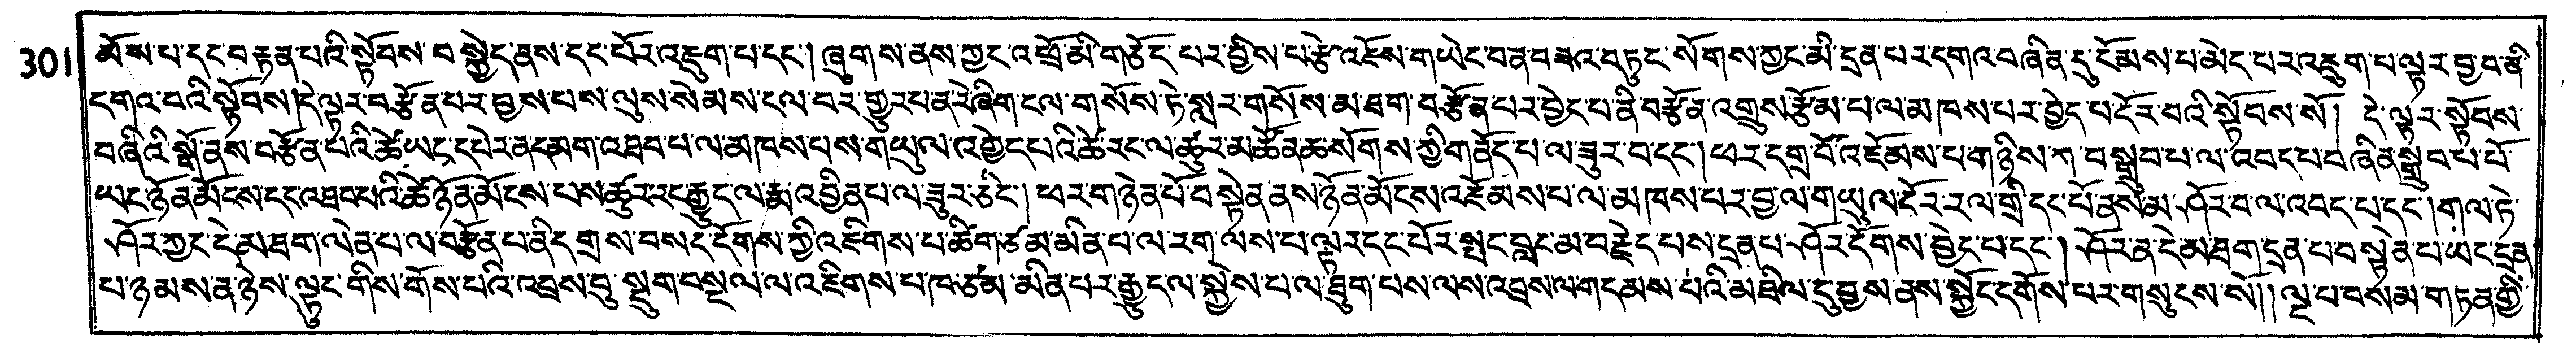མོས་པ་དང་བརྟན་པའི་སྟོབས་བསྐྱེད་ནས་དང་པོར་འཇུག་པ་དང་། ཞུགས་ནས་ཀྱང་འཕྲོ་མི་གཅོད་པར་བྱིས་པ་རྩེ་འཇོས་གཡེང་བ་ན་བཟའ་བཏུང་སོགས་ཀྱང་མི་དྲན་པར་དགའ་བཞིན་དུ་ངོམས་པ་མེད་པར་འཇུག་པ་ལྟར་བྱ་བ་ནི་
དགའ་བའི་སྟོབས། དེ་ལྟར་བརྩོན་པར་བྱས་བས་ལུས་སེམས་ངལ་བར་གྱུར་བ་ན་རེ་ཞིག་ངལ་གསོས་ཏེ་སླར་གསོས་མ་ཐག་བརྩོན་པར་བྱེད་པ་ནི་བརྩོན་འགྲུས་རྩོམ་པ་ལ་མཁས་པར་བྱེད་པ་དོར་བའི་སྟོབས་སོ། དེ་ལྟར་སྟོབས་
བཞིའི་སྒོ་ནས་བརྩོན་པའི་ཚེ་ཡང་དཔེར་ན་དམག་འཐབ་པ་ལ་མཁས་པས་གཡུལ་འགྱེད་པའི་ཚེ་རང་ལ་ཚུར་མཚོན་ཆ་སོགས་ཀྱི་གནོད་པ་ལ་ཟུར་བ་དང་། ཕར་དགྲ་བོ་འཇོམས་པ་གཉིས་ཀ་བསྒྲུབ་པ་ལ་འབད་པ་བཞིན་སྒྲུབ་པ་པོ་
ཡང་ཉོན་མོངས་དང་འཐབ་པའི་ཚེ་ཉོན་མོངས་པས་ཚུར་རང་རྒྱུད་ལ་རྨ་འབྱིན་པ་ལ་ཟུར་ཅིང་། ཕར་གཉེན་པོ་བསྟེན་ནས་ཉོན་མོངས་འཇོམས་པ་ལ་མཁས་པར་བྱ་ལ་གཡུལ་ངོར་རལ་གྲི་དང་པོ་ནས་མ་ཤོར་བ་ལ་འབད་པ་དང་། གལ་ཏེ་
ཤོར་ཀྱང་དེ་མ་ཐག་ལེན་པ་ལ་བརྩོན་པ་ནི་དགྲས་བསད་དོགས་ཀྱི་འཇིགས་པ་ཚིག་ཙམ་མིན་པ་ལ་རག་ལས་པ་ལྟར་དང་པོར་སྤང་བླང་མ་བརྗེད་པས་དྲན་པ་ཤོར་དོགས་བྱེད་པ་དང་། ཤོར་ན་དེ་མ་ཐག་དྲན་པ་བསྟེན་པ་ཡང་དྲན་
པ་ཉམས་ན་ཉེས་ལྟུང་གིས་གོས་པའི་འབྲས་བུ་སྡུག་བསྔལ་ལ་འཇིགས་པ་ཁ་ཙམ་མིན་པར་རྒྱུད་ལ་སྐྱེས་པ་ལ་ཐུག་པས་ལས་འབྲས་ལ་གདམས་པའི་མཐིལ་དུ་བྱས་ནས་སྐྱོང་དགོས་པར་གསུངས་སོ། །ལྔ་པ་བསམ་གཏན་གྱི་